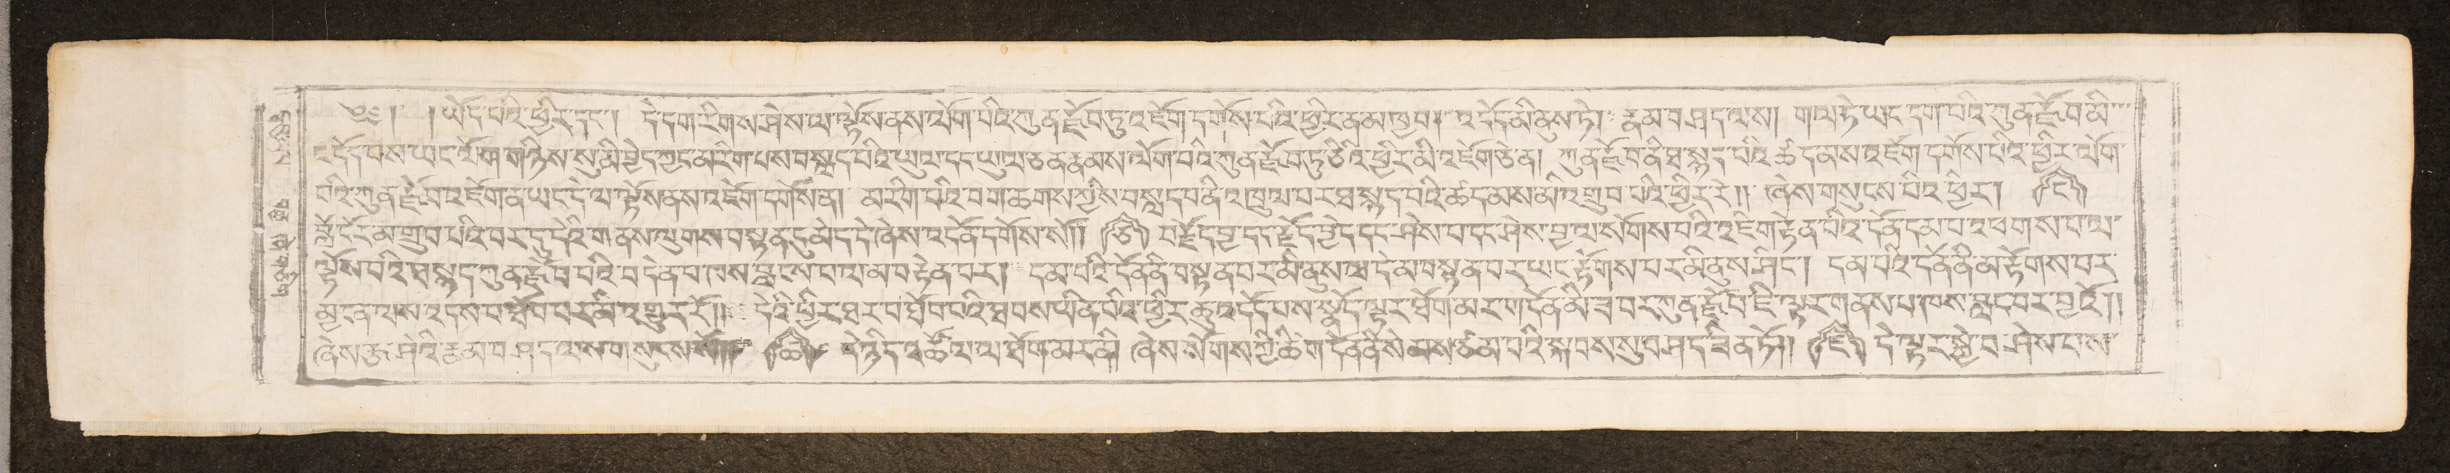༄༅། །ཡོད་པའི་ཕྱིར་དང་། དེ་དག་རིགས་ཤེས་ལ་ལྟོས་ནས་ལོག་པའི་ཀུན་རྫོབ་ཏུ་འཇོག་དགོས་པའི་ཕྱིར་ན་མ་ཁྱབ། འདོད་མི་ནུས་ཏེ། རྣམ་བཤད་ལས། གལ་ཏེ་ཡང་དག་པའི་ཀུན་རྫོབ་མི་
འདོད་པས་ཡང་ལོག་གཉིས་སུ་མི་བྱེད་ཀྱང་མ་རིག་པས་བསླད་པའི་ཡུལ་དང་ཡུལ་ཅན་རྣམས་ལོག་པའི་ཀུན་རྫོབ་ཏུ་ཅིའི་ཕྱིར་མི་འཇོག་ཅེ་ན། ཀུན་རྫོབ་ནི་ཐ་སྙད་བའི་ཚད་མས་འཇོག་དགོས་པའི་ཕྱིར་ལོག་
པའི་ཀུན་རྫོབ་འཇོག་ན་ཡང་དེ་ལ་ལྟོས་ནས་འཇོག་དགོས་ན། མ་རིག་པའི་བག་ཆགས་ཀྱིས་བསླད་པ་ནི་འཁྲུལ་པར་ཐ་སྙད་པའི་ཚད་མས་མི་འགྲུབ་པའི་ཕྱིར་རོ།། ཞེས་གསུངས་པའི་ཕྱིར། ༼༽ང༼༽
བློ་ངོར་མ་གྲུབ་པའི་བར་དུ་དེའི་གནས་ལུགས་བསྟན་དུ་མེད་དེ་ཞེས་འདོན་དགོས་སོ།། ༼༽ཅ༼༽ བརྗོད་བྱ་དང་རྗོད་བྱེད་དང་ཤེས་པ་དང་ཤེས་བྱ་བ་ལ་སོགས་པའི་འཇིག་རྟེན་པའི་དོན་དམ་པ་འཕགས་པ་ལ་
ལྟོས་བའི་ཐ་སྙད་ཀུན་རྫོབ་པའི་བདེན་པ་ལས་བླངས་པ་ལ་མ་བརྟེན་པར། དམ་པའི་དོན་ནི་བསྟན་པར་མི་ནུས་ལ་དེ་མ་བསྟན་པར་ཡང་རྟོགས་པར་མི་ནུས་ཤིང་། དམ་པའི་དོན་ནི་མ་རྟོགས་པར་
མྱ་ངན་ལས་འདས་པ་ཐོབ་པར་མི་འགྱུར་རོ།། དེའི་ཕྱིར་ཐར་ཐོབ་པའི་ཐབས་ཡིན་པའི་ཕྱིར་ཆུ་འདོད་པས་སྣོད་ལྟར་ཐོབ་མར་གདོན་མི་ཟ་བར་ཀུན་རྫོབ་ཇི་ལྟར་གནས་པ་ཁས་བླང་བར་བྱའོ།།
ཞེས་རྩ་ཤེའི་རྣམ་བཤད་ལས་གསུངས་སོ།། ༼༽ཆ༼༽ དེ་ཉིད་འཚོལ་ལ་ཐོག་མར་ནི། ཞེས་སོགས་ཀྱི་ཚིག་དོན་ནི་སེམས་ཙམ་པའི་སྐབས་སུ་བཤད་ཟིན་ཏོ།། ༼༽ཇ༼༽ དེ་ལྟར་སྐྱེ་བ་ཤེས་པས་